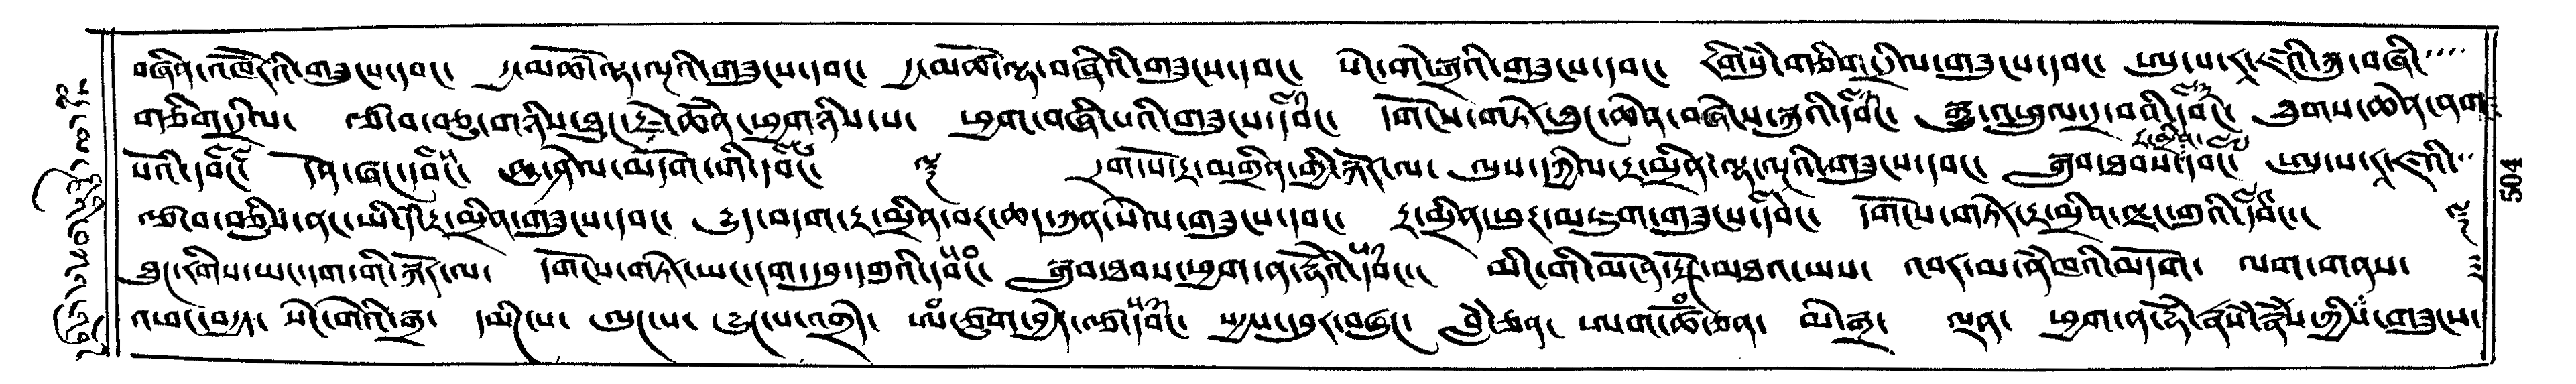བཞིན་འཁོར་ལོའི་གཟུངས་དབང་། རྒྱ་མཚོ་ལྷ་ལྔའི་གཟུངས་དབང་། རྒྱ་མཚོ་ལྷ་བཞིའི་གཟུངས་དབང་། སེང་གེ་སྒྲའི་གཟུངས་དབང་། རིགས་གསུམ་གཅིག་དྲིལ་གཟུངས་དབང་། ཨུ་པ་རཱ་ཛའི་སྐུ་བཞི་
གཅིག་དྲིལ། རྩ་བ་བཅུ་གཉིས་ཐུགས་རྗེ་ཆེན་པོ་ཕྱག་གཉིས་པ། ཕྱག་བཞི་པའི་གཟུངས་དབང་༤༡། དགོངས་གཏེར་ཐུགས་ཆེན་བཞེངས་སྐུའི་དབང་༤༢། སྒྱུ་འཕྲུལ་དྲ་བའི་དབང་༤༣། ཐུགས་ཆེན་ནག་
པོའི་དབང་༤༤། དོན་ཞགས་དབང་༤༥། ཆུ་ཤེལ་མདོག་གི་དབང་༤༦། ༈ དྲག་པོ་རྟ་མགྲིན་གྱི་སྐོར་ལ། ལུས་དཀྱིལ་རྟ་མགྲིན་ལྷ་ལྔའི་གཟུངས་དབང་། སྒྲུབ་ཐབས་རྟ་མགྲིན་དབང་༤༦། ཨུ་པ་རཱ་ཛའི་
རྩ་བ་བཅུ་གཉིས་ནང་ཡི་དམ་རྟ་མགྲིན་གཟུངས་དབང་། རྒྱུད་བདག་རྟ་མགྲིན་བར་ཆད་ཀུན་སེལ་གཟུངས་དབང་། རྟ་མགྲིན་ཕུར་མཇུག་གཟུངས་དབང་། དགོངས་གཏེར་རྟ་མགྲིན་ལྗང་གུའི་དབང་༤༩། ༈ 
ཐུགས་རིགས་ཡང་དག་གི་སྐོར་ལ། དགོངས་གཏེར་ཡང་དག་དབུ་དགུའི་དབང་༥༠། སྒྲུབ་ཐབས་ཕྱག་ན་རྡོ་རྗེའི་དབང་༥༡། མིང་གི་མངོན་རྫོགས་མཐའ་ཡས། འབར་མ་ནམ་མཁའི་མདོག ལག་གནས། 
འཕང་བརྒྱད། སེང་གེའི་སྒྲ། དམིགས་པ། ལུགས་པ། རྒྱུད་པ་འགྲེད། ཨཾ་ཙུག་བྱེད་རྩ་དབང་༥༢། སངས་རྒྱས་དབུར་བཞུགས། བླ་མ་ཅན། ཨག་ཚོམ་ཅན། མེ་སྒྲ། ལྡན། ཕྱག་ན་རྡོ་རྗེ་རྣམས་ཀྱིས་གཟུངས་